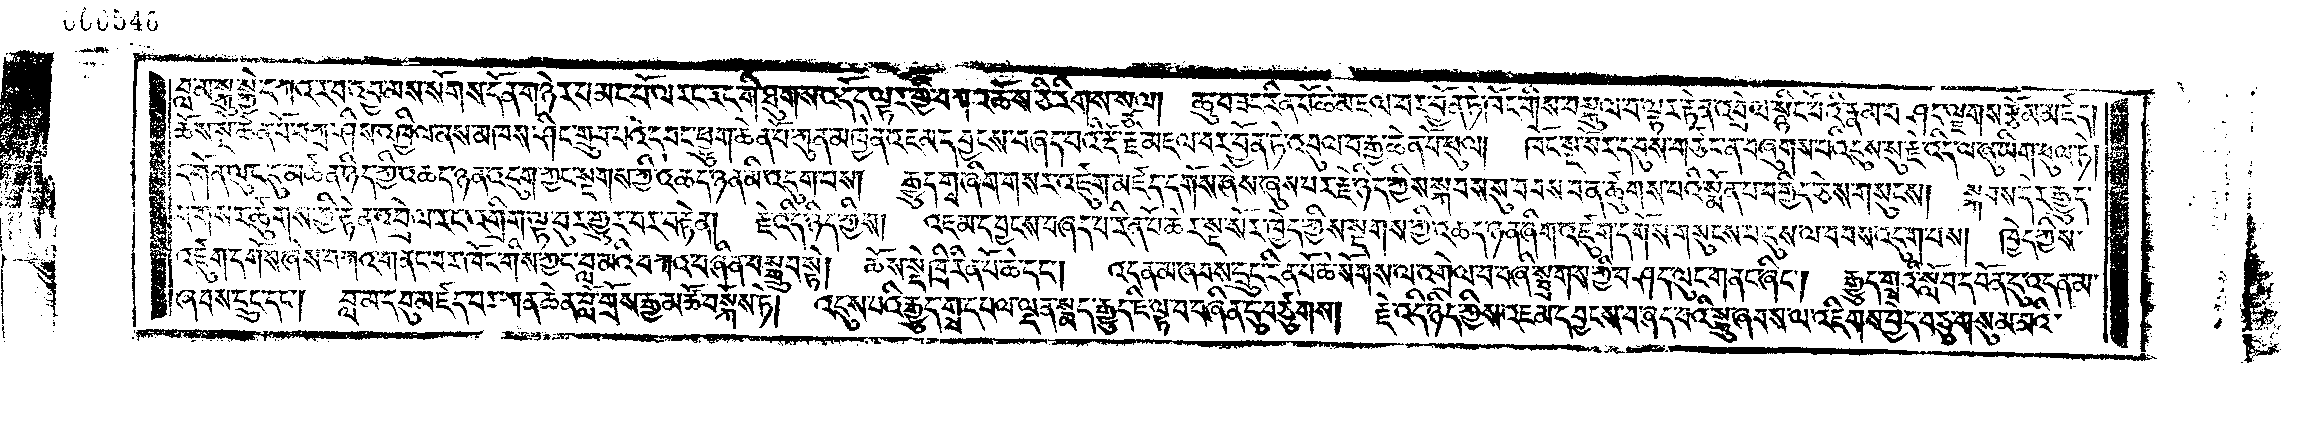བླ་མ་སྐུ་སྐྱེ་དཀའ་རབ་འབྱམས་སོགས་དོན་གཉེར་པ་མང་པོ་ལ་རང་རང་གི་ཐུགས་འདོད་ལྟར་གྱི་བཀའ་ཆོས་ཅི་རིགས་སྩལ། ཆུ་བཟང་རིན་པོ་ཆེ་མཇལ་བར་བྱོན་ཏེ་ཁོང་གིས་བསྐུལ་བ་ལྟར་རྟེན་འབྲེལ་སྙིང་པོའི་རྣམ་བཤད་ལྗགས་རྩོམ་མཛད།
ཆོས་སྡེ་ཆེན་པོ་བཀྲ་ཤིས་འཁྱིལ་ནས་མཁས་ཤིང་གྲུབ་པའི་དབང་ཕྱུག་ཆེན་བོ་ཀུན་མཁྱེན་འཇམ་དབྱངས་བཞད་པའི་རྡོ་རྗེ་མཇལ་བར་བྱོན་ཏེ་འབུལ་བ་རྒྱ་ཆེན་པོ་ཕུལ། ཁོང་སྔ་སོར་དབུས་གཙང་ན་བཞུགས་པའི་དུས་སུ་རྗེ་འདི་ལ་ཞུ་ཡིག་ཕུལ་ཏེ།
དགོན་ལུང་དུ་མཚན་ཉིད་ཀྱི་འཆད་ཉན་འདུག་ཀྱང་སྔགས་ཀྱི་འཆད་ཉན་མི་འདུག་པས། རྒྱུད་གྲྭ་ཞིག་གསར་འཛུག་མཛད་དགོས་ཞེས་ཞུས་པར་རྗེ་ཉིད་ཀྱིས་སྐབས་སུ་བབས་བ་ན་ཚུགས་པའི་སྨོན་པ་བགྱིད་ཅེས་གསུངས། སྐབས་དེར་རྒྱུད་
པ་གསར་ཚུགས་ཀྱི་རྟེན་འབྲེལ་རང་འགྲིག་ལྟ་བུར་གྱུར་བར་བརྟེན། རྗེ་འདི་ཉིད་ཀྱིས། འཇམ་དབྱངས་བཞད་པ་རིན་པོ་ཆེར་སྔ་སོར་ཁྱེད་ཀྱིས་སྔགས་ཀྱི་འཆད་ཉན་ཞིག་འཛུག་དགོས་གསུངས་པ་དུས་ལ་བབས་འདུག་པས། ཁྱེད་ཀྱིས་
འཛུག་དགོས་ཞེས་བཀའ་གནང་བར་ཁོང་གིས་ཀྱང་བླ་མའི་བཀའ་བཞིན་བསྒྲུབ་སྟེ། ཆོས་སྡེ་ཁྲི་རིན་པོ་ཆེ་དང་། འདན་མ་ཞབས་དྲུང་རིན་པོ་ཆེ་སོགས་ལ་འགྲེལ་བ་བཞི་སྒྲགས་ཀྱི་བཤད་ལུང་གནང་ཞིང་། རྒྱུད་གྲྭའི་སློབ་དཔོན་དུ་འདན་མ་
ཞབས་དྲུང་དང་། བླ་མ་དབུ་མཛད་པར་ཀན་ཆེན་བློ་གྲོས་རྒྱ་མཚོ་བསྐོས་ཏེ། འདུས་པའི་རྒྱུད་གྲྭ་དཔལ་ལྡན་སྨད་རྒྱུད་ཇི་ལྟ་བ་བཞིན་དུ་བཙུགས། རྗེ་འདི་ཉིད་ཀྱིས་འཇམ་དབྱངས་བཞད་པའི་སྐུ་ཞབས་ལ་འཇིགས་བྱེད་བཅུ་གསུམ་མའི་